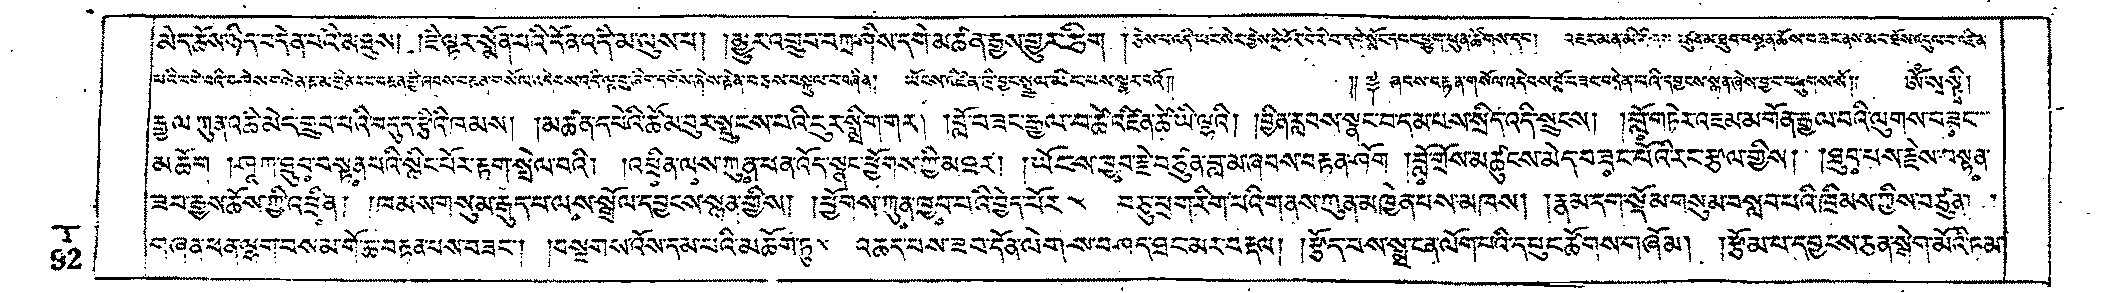མེད་ཆོས་ཉིད་བདེན་པའི་མཐུས། །ཇི་ལྟར་སྨོན་པའི་དོན་འདི་མ་ལུས་པ། །མྱུར་འགྲུབ་བཀྲ་ཤིས་དགེ་མཚན་རྒྱས་གྱུར་ཅིག །ཅེས་པ་འདི་ཡང་སེར་བྱིས་ཏྲེ་ཧོར་བེ་རི་བ་དགེ་སློང་དབང་ཕྱུག་ཕུན་ཚོགས་དང་། འཇར་མན་མི་རིགས་།བཙུན་མ་ཐུབ་བསྟན་ཆོས་བཟང་ནས་མང་ཐོས་འདུལ་བ་འཛིན་
པའི་དགེ་བའི་བཤེས་གཉེན་རྟ་མགྲིན་རབ་བརྟན་གྱི་ཞབས་བརྟན་གསོལ་འདེབས་འདི་ལྟ་བུ་ཞིག་དགོས་ཞེས་རྟེན་བཅས་བསྐུལ་བ་བཞིན། ཡོངས་འཛིན་ཁྲི་བྱང་སྤྲུལ་མིང་པས་སྦྱར་བའོ།། །། འ་ཞབས་བརྟན་གསོལ་འདེབས་བློ་བཟང་བདེན་པའི་དབྱངས་སྙན་ཞེས་བྱ་བ་བཞུགས་སོ།། ཨོཾ་སྭསྟྭི།
རྒྱལ་ཀུན་འཆི་མེད་གྲུབ་པའི་བདུད་རྩིའི་ཁམས། །མཚན་དཔེའི་ཚོམ་བུར་སྤུངས་པའི་ངུར་སྨྲིག་གར། །བློ་བཟང་རྒྱལ་བ་ཚེ་འཛིན་ཚེ་ཡི་ལྷའི། །བྱིན་རླབས་སྣང་བ་དམ་པས་སྲིད་འདི་སྲུངས། །བློ྾་གཏེར་འཇམ་མགོན་རྒྱལ་བའི་ལུགས་བཟང྾་་་
མཆོག །ཤཱཀ་ཐུབ྾་བསྟན྾་པའི་སྙིང་པོར་རྟག་སྤེལ་བའི། །འཕྲིན྾་ལས྾་ཀུན྾་ཕན་འོད་སྣང་ཕྱོགས་ཀྱི་མཐར། །ཡོངས་ཁྱབ྾་རྗེ་བཙུན་བླ་མ་ཞབས་བརྟན་ཤོག །བློ྾་གྲོས་མཚུངས་མེད་བཟང྾་པོའི་རང་རྩལ་གྱིས། །ཐུབ྾་པས་རྗེས་བསྟན྾་
ཟབ་རྒྱས་ཆོས་ཀྱི་འཕྲིན྾། །ཁམས་གསུམ་རྒུད་པ་ལས྾་སྒྲོལ་དབྱངས་སྙན་གྱིས། །ཕྱོགས་ཀུན྾་ཁྱབ྾་པའི་བྱེད་པོར་྾་བཅུ་ཕྲག་རིག་པའི་གནས་ཀུན་མཁྱེན་པས་མཁས། །རྣམ་དག་སྡོམ་གསུམ་བསླབ་པའི་ཁྲིམས་ཀྱིས་བཙུན། །
གཞན་ཕན་ལྷག་བསམ་གོ་ཆ་བརྟན་པས་བཟང་། །བསྔགས་འོས་དམ་པའི་མཆོག་ཏུ་྾་འཆད་པས་ཟབ་དོན་ལེགས་བཤད་ཐང་མར་བརྡལ། །རྩོད་པས་སྨྲ་ངན་ལོག་པའི་དཔུང་ཚོགས་གཞོམ། །རྩོམ་པ་དབྱངས་ཅན་སྒེག་མོའི་ཏམ་